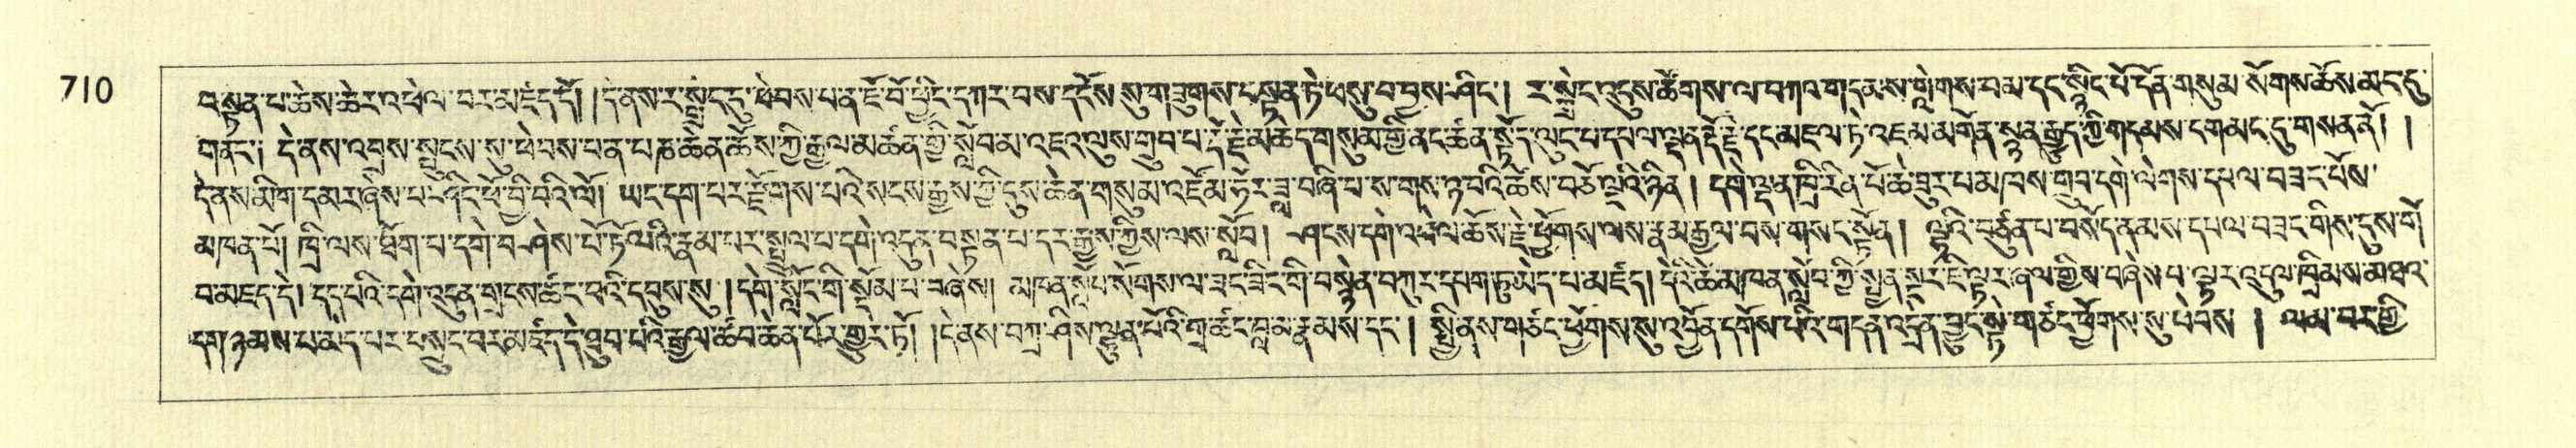བསྟན་པ་ཆེས་ཆེར་འཕེལ་བར་མཛད་དོ། །དེ་ནས་ར་སྒྲེང་དུ་ཕེབས་པ་ན་ཇོ་བོ་ཕྱིང་དཀར་བས་དངོས་སུ་གཟུགས་བསྟན་ཏེ་ཕསུ་བ་བྱས་ཤིང་། ར་སྒྲེང་འདུས་ཚོགས་ལ་བཀའ་གདམས་གླེགས་བམ་དང་སྙིང་པོ་དོན་གསུམ་སོགས་ཆོས་མང་དུ་
གནང༑ དེ་ནས་འབྲས་སྤུངས་སུ་ཕེབས་པ་ན་པཎ་ཆེན་ཆོས་ཀྱི་རྒྱལ་མཚན་གྱི་སློབ་མ་འཇའ་ལུས་གྲུབ་པ་རྡོ་རྗེ་མཆེད་གསུམ་གྱི་ནང་ཚན་སྟོད་ལུང་པ་དཔལ་ལྡན་རྡོ་རྗེ་དང་མཇལ་ཏེ་འཇམ་མགོན་སྙན་རྒྱུད་ཀྱི་གདམས་ངག་མང་དུ་གསན་ནོ། །
དེ་ནས་མིག་དམར་ཞེས་པ་ཤིང་ཕོ་བྱི་བའི་ལོ། ཡང་དག་པར་རྫོགས་པའི་སངས་རྒྱས་ཀྱི་དུས་ཆེན་གསུམ་འཛོམ་ཧོར་ཟླ་བཞི་པ་ས་གས་ཉ་བའི་ཚེས་བཅོ་ལྔའི་ཉིན། དགེ་ལྡན་ཁྲི་རིན་པོ་ཆེ་ཟུར་པ་མཁས་གྲུབ་དགེ་ལེགས་དཔལ་བཟང་པོས་
མཁན་པོ། ཁྲི་ལས་ཐོག་པ་དགེ་བཤེས་པོ་ཏོ་ལའི་རྣམ་པར་སྤྲུལ་པ་དགེ་འདུན་བསྟན་པ་དར་རྒྱས་ཀྱིས་ལས་སློབ། ཤངས་དགེ་འཕེལ་ཆོས་རྗེ་ཕྱོགས་ལས་རྣམ་རྒྱལ་བས་གསང་སྟོན། ལྷའི་བཙུན་པ་བསོད་ནམས་དཔལ་བཟང་གིས་དུས་གོ་
བ་མཛད་དེ། དད་པའི་དགེ་འདུན་གྲངས་ཚང་བའི་དབུས་སུ། དགེ་སློང་གི་སྡོམ་པ་བཞེས། མཁན་སློབ་སོགས་ལ་ཟང་ཟིང་གི་བསྙེན་བཀུར་དཔག་ཏུ་མེད་པ་མཛད། དེའི་ཚེ་མཁན་སློབ་ཀྱི་སྤྱན་སྔར་ཇི་ལྟར་ཞལ་གྱིས་བཞེས་པ་ལྟར་འདུལ་ཁྲིམས་མཐའ་
དག་ཉམས་པ་མེད་པར་བསྲུང་བར་མཛད་དེ་ཐུབ་པའི་རྒྱལ་ཚབ་ཆེན་པོར་གྱུར་ཏོ། །དེ་ནས་བཀྲ་ཤིས་ལྷུན་པོའི་གྲ་ཚང་བླ་མ་རྣམས་དང་། སྤྱི་ནས་གཙང་ཕྱོགས་སུ་འབྱོན་དགོས་པའི་གདན་འདྲེན་བྱུང་སྟེ་གཙང་ཕྱོགས་སུ་ཕེབས། ལམ་བར་གྱི་